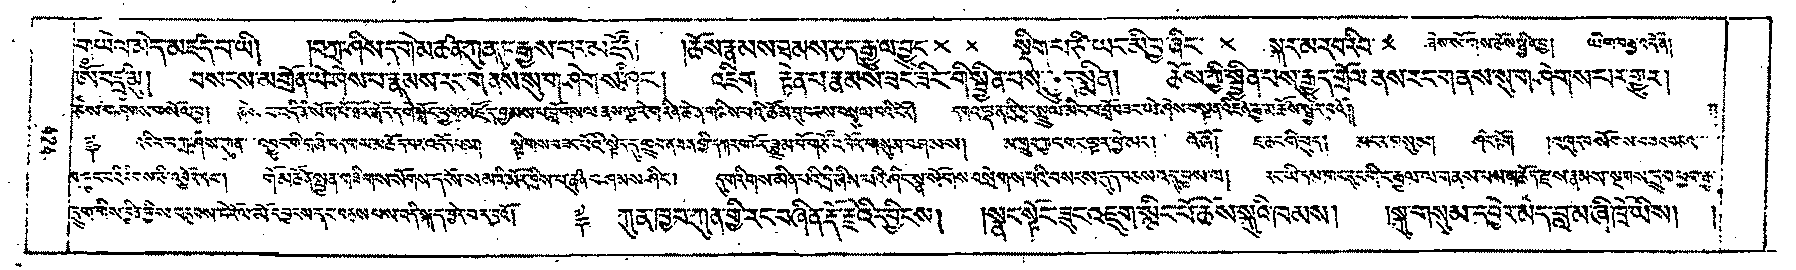གཡེལ་མེད་མཛད་པ་ཡི། །བཀྲ་ཤིས་དགེ་མཚན་ཀུན་ཏུ་རྒྱས་པར་མཛོད། །ཆོས་རྣམས་ཐམས་ཅད་རྒྱུ་ལ་བྱུང་྾་྾་སྡིག་པ་ཅི་ཡང་མི་བྱ་ཞིང་྾་སྐར་མ་རབ་རིབ་྾་ཞེས་སོགས་ཆོས་སྦྱིན་བྱ། ཡིག་བརྒྱ་འདོན།
ཨོཾ་བཛྲ་མུ། བསངས་མགྲོན་ཡེ་ཤེས་པ་རྣམས་རང་གནས་སུ་གཤེགས་ཤིང་། འཇིག་རྟེན་པ་རྣམས་ཟང་ཟིང་གི་སྦྱིན་པས་རྒྱུད་སྨིན། ཆོས་ཀྱི་སྦྱིན་པས་རྒྱུད་གྲོལ་ནས་རང་གནས་སུ་གཤེགས་པར་གྱུར།
ཅེས་གཤེགས་གསོལ་བྱ། ཞེས་པ་འདི་ནི་སོག་པོ་ཐོར་རྒོད་དགེ་སློང་ཕྱག་མཛོད་བྱམས་པ་བློ་གསལ་ནས་ལྷ་རེག་རིན་ཆེན་གཉིས་པའི་ཚོམ་བུ་བཅས་བསྐུལ་བའི་ངོར། དགའ་ལྡན་ཁྲི་བྱང་སྤྲུལ་མིང་པ་བློ་བཟང་ཡེ་ཤེས་བསྟན་འཛིན་རྒྱ་མཚོས་སྦྱར་བའོ།། །།
༈ འདིར་བཀྲ་ཤིས་ཀུན་འབྱུང་གི་གཞི་བདག་ལ་མཆོད་པར་འདོད་པས། སྟེགས་བཟང་པོའི་སྟེང་དུ་གྲུབ་ན་ཟན་གྱི་དཀར་གཏོར་ཟླུམ་པོ་གཙོ་འཁོར་གསུམ་བཤམས། མ་གྲུབ་ཀྱང་གང་ལྟར་ཕྱེ་མར། འོ་ཞོ། ཇ་ཆང་གི་ཕུད། མངར་གསུམ། ཤིང་རྟོག །འཁུར་བ་སོགས་བཟའ་བཅའ་
གཏུང་བའི་རིགས་ཅི་འབྱོར་དང་། གོ་མཚོན་སྤྱན་གཟིགས་སོགས་དངོས་སམ་རི་མོར་བྲིས་པ་ཚུན་བཤམས་ཤིང་། དུག་རིགས་མིན་པའི་དྲི་ཞིམ་པའི་ཤིང་སྣ་སོགས་བསྲེགས་པའི་བསངས་དུད་བཅས་འདུ་བྱས་ལ། རང་ཡི་དམ་གང་རུང་གི་ང་རྒྱལ་ལ་གནས་པས་མཆོད་རྫས་རྣམས་སྔགས་དྲུག་ཕྱག་རྒྱ་
དྲུག་གིས་བྱིན་གྱིས་བརླབས་ཏེ་རོལ་མོ་དབྱངས་དང་བཅས་པས་འདི་སྐད་བྱེར་བར་བྱའོ། ༈ ཀུན་ཁྱབ་ཀུན་གྱི་རང་བཞིན་རྡོ་རྗེའི་དབྱིངས། །སྣང་སྟོང་ཟུང་འཇུག་སྙིང་པོ་ཆོས་སྐུའི་ཁམས། །སྐུ་གསུམ་དབྱེར་མེད་བླ་མ་ཞི་ཁྲོ་ཡིས། །